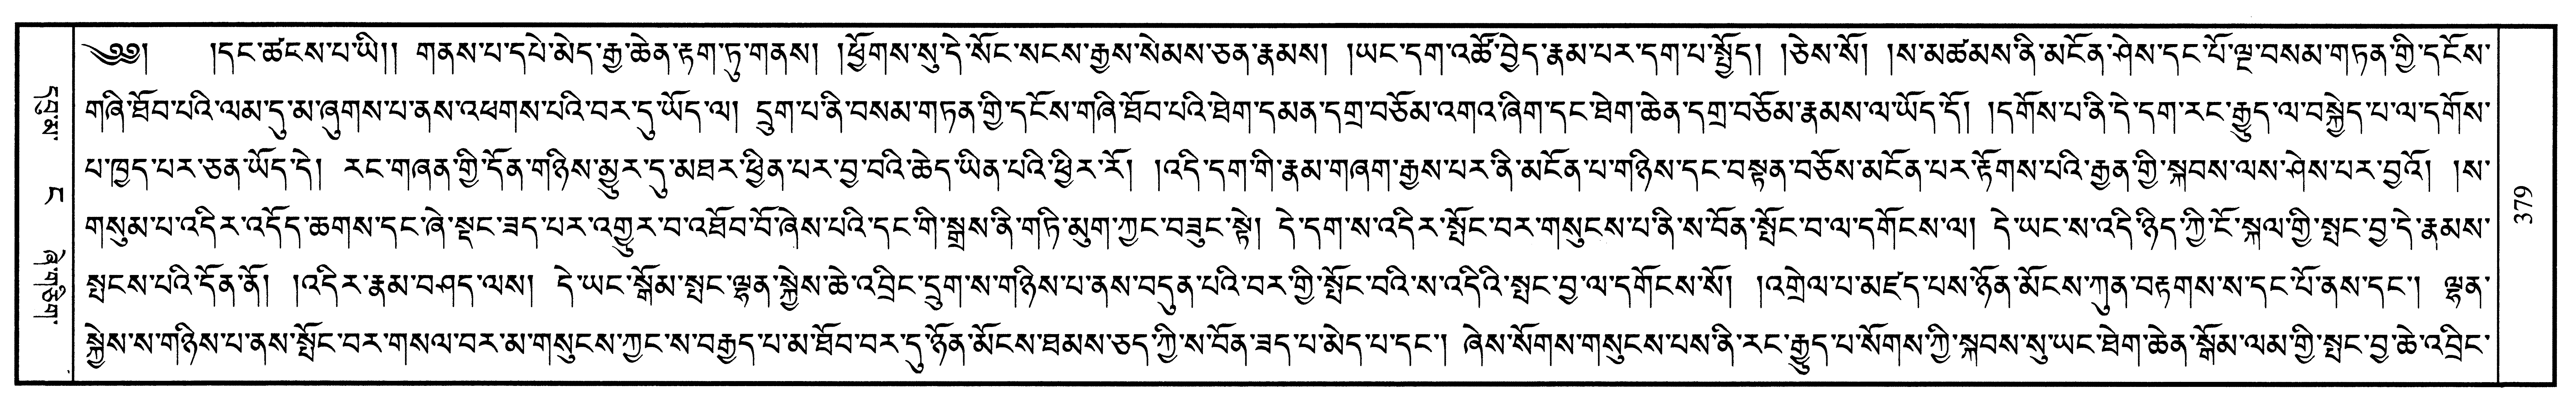༄༅། །དང་ཚངས་པ་ཡི།། གནས་པ་དཔེ་མེད་རྒྱ་ཆེན་རྟག་ཏུ་གནས། །ཕྱོགས་སུ་དེ་སོང་སངས་རྒྱས་སེམས་ཅན་རྣམས། །ཡང་དག་འཚོ་བྱེད་རྣམ་པར་དག་པ་སྤྱོད། །ཅེས་སོ། །ས་མཚམས་ནི་མངོན་ཤེས་དང་པོ་ལྔ་བསམ་གཏན་གྱི་དངོས་
གཞི་ཐོབ་པའི་ལམ་དུ་མ་ཞུགས་པ་ནས་འཕགས་པའི་བར་དུ་ཡོད་ལ། དྲུག་པ་ནི་བསམ་གཏན་གྱི་དངོས་གཞི་ཐོབ་པའི་ཐེག་དམན་དགྲ་བཅོམ་འགའ་ཞིག་དང་ཐེག་ཆེན་དགྲ་བཅོམ་རྣམས་ལ་ཡོད་དོ། །དགོས་པ་ནི་དེ་དག་རང་རྒྱུད་ལ་བསྐྱེད་པ་ལ་དགོས་
པ་ཁྱད་པར་ཅན་ཡོད་དེ། རང་གཞན་གྱི་དོན་གཉིས་མྱུར་དུ་མཐར་ཕྱིན་པར་བྱ་བའི་ཆེད་ཡིན་པའི་ཕྱིར་རོ། །འདི་དག་གི་རྣམ་གཞག་རྒྱས་པར་ནི་མངོན་པ་གཉིས་དང་བསྟན་བཅོས་མངོན་པར་རྟོག་པའི་རྒྱན་གྱི་སྐབས་ལས་ཤེས་པར་བྱའོ། །ས་
གསུམ་པ་འདིར་འདོད་ཆགས་དང་ཞེ་སྡང་ཟད་པར་འགྱུར་བ་འཐོབ་བོ་ཞེས་པའི་དང་གི་སྒྲས་ནི་གཏི་མུག་ཀྱང་བཟུང་སྟེ། དེ་དག་ས་འདིར་སྤོང་བར་གསུངས་པ་ནི་ས་བོན་སྤོང་བ་ལ་དགོངས་ལ། དེ་ཡང་ས་འདི་ཉིད་ཀྱི་ངོ་སྐལ་གྱི་སྤང་བྱ་དེ་རྣམས་
སྤངས་པའི་དོན་ནོ། །འདིར་རྣམ་བཤད་ལས། དེ་ཡང་སྒོམ་སྤང་ལྷན་སྐྱེས་ཆེ་འབྲིང་དྲུག་ས་གཉིས་པ་ནས་བདུན་པའི་བར་གྱི་སྤོང་བའི་ས་འདིའི་སྤང་བྱ་ལ་དགོངས་སོ། །འགྲེལ་པ་མཛད་པས་ཉོན་མོངས་ཀུན་བརྟགས་ས་དང་པོ་ནས་དང་། ལྷན་
སྐྱེས་ས་གཉིས་པ་ནས་སྤོང་བར་གསལ་བར་མ་གསུངས་ཀྱང་ས་བརྒྱད་པ་མ་ཐོབ་བར་དུ་ཉོན་མོངས་ཐམས་ཅད་ཀྱི་ས་བོན་ཟད་པ་མེད་པ་དང་། ཞེས་སོགས་གསུངས་པས་ནི་རང་རྒྱུད་པ་སོགས་ཀྱི་སྐབས་སུ་ཡང་ཐེག་ཆེན་སྒོམ་ལམ་གྱི་སྤང་བྱ་ཆེ་འབྲིང་